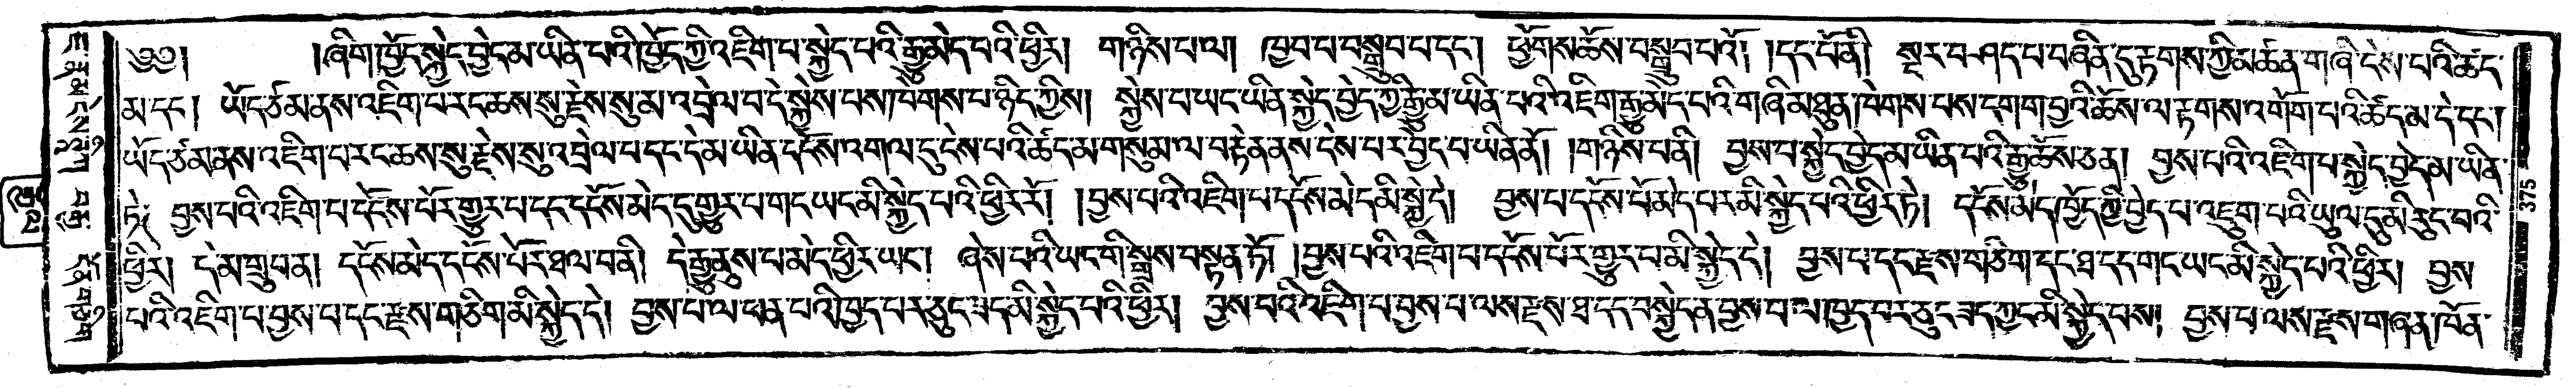༄༅། །ཞིག་ཁྱོད་སྐྱེད་བྱེད་མ་ཡིན་པའི་ཁྱོད་ཀྱི་འཇིག་པ་སྐྱེད་པའི་རྒྱུ་མེད་པའི་ཕྱིར། གཉིས་པ་ལ། ཁྱབ་པ་བསྒྲུབ་པ་དང་། ཕྱོགས་ཆོས་བསྒྲུབ་པའོ། །དང་པོ་ནི། སྔར་བཤད་པ་བཞིན་དུ་རྟགས་ཀྱི་མཚན་གཞི་ངེས་པའི་ཚད་
མ་དང་། ཡོད་ཙམ་ནས་འཇིག་པ་རང་ཆས་སུ་རྗེས་སུ་མ་འབྲེལ་བ་དེ་སྐྱེས་པས་ཁེགས་པ་ཉིད་ཀྱིས། སྐྱེས་པ་ཡང་ཡིན་སྐྱེད་བྱེད་ཀྱི་རྒྱུ་མ་ཡིན་པའི་འཇིག་རྒྱུ་མེད་པའི་གཞི་མཐུན་ཁེགས་པས་དགག་བྱའི་ཆོས་ལ་རྟགས་འགོག་པའི་ཚད་མ་དེ་དང་།
ཡོད་ཙམ་ནས་འཇིག་པ་རང་ཆས་སུ་རྗེས་སུ་འབྲེལ་བ་དང་དེ་མ་ཡིན་དངོས་འགལ་དུ་ངེས་པའི་ཚད་མ་གསུམ་ལ་བརྟེན་ནས་ངེས་པར་བྱེད་པ་ཡིན་ནོ། །གཉིས་པ་ནི། བྱས་པ་སྐྱེད་བྱེད་མ་ཡིན་པའི་རྒྱུ་ཆོས་ཅན། བྱས་པའི་འཇིག་པ་སྐྱེད་བྱེད་མ་ཡིན་
ཏེ། བྱས་པའི་འཇིག་པ་དངོས་པོར་གྱུར་པ་དང་དངོས་མེད་དུ་གྱུར་པ་གང་ཡང་མི་སྐྱེད་པའི་ཕྱིར་རོ། །བྱས་པའི་འཇིག་པ་དངོས་མེད་མི་སྐྱེ་དེ། བྱས་པ་དངོས་པོ་མེད་པར་མི་སྐྱེད་པའི་ཕྱིར་ཏེ། དངོས་མེད་ཁྱོད་ཀྱི་བྱེད་པ་འཇུག་པའི་ཡུལ་དུ་མི་རུང་བའི་
ཕྱིར། དེ་མ་གྲུབ་ན། དངོས་མེད་དངོས་པོར་ཐལ་བ་ནི། དེ་རྒྱུ་ནུས་པ་མེད་ཕྱིར་ཡང་། ཞེས་པའི་ཡང་གི་སྒྲས་བསྟན་ཏོ། །བྱས་པའི་འཇིག་པ་དངོས་པོར་གྱུར་པ་མི་སྐྱེད་དེ། བྱས་པ་དང་རྫས་གཅིག་དང་ཐ་དད་གང་ཡང་མི་སྐྱེད་པའི་ཕྱིར། བྱས་
པའི་འཇིག་པ་བྱས་པ་དང་རྫས་གཅིག་མི་སྐྱེད་དེ། བྱས་པ་ལ་ཕན་པའི་ཁྱད་པར་ཅུང་ཟད་མི་སྐྱེད་པའི་ཕྱིར། བྱས་པའི་འཇིག་པ་བྱས་པ་ལས་རྫས་ཐ་དད་བསྐྱེད་ན་བྱས་པ་ལ་ཁྱད་པར་ཅུང་ཟད་ཀྱང་མི་སྐྱེད་པས། བྱས་པ་ལས་རྫས་གཞན་ཁོ་ན་